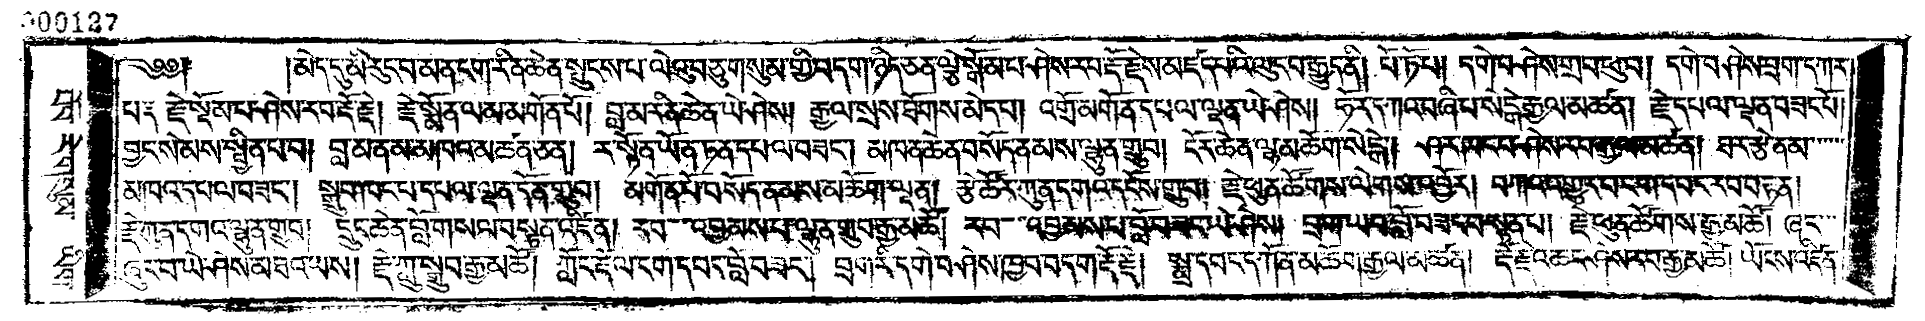༄༅། །མེད་དུ་མི་རུང་བ་མན་ངག་རིན་ཆེན་སྤུངས་པ་ལེའུ་བཅུ་གསུམ་གྱི་བདག་ཉིད་ཅན་ལྕེ་སྒོམ་པ་ཤེས་རབ་རྡོ་རྗེས་མཛད་པའི་ལུང་བརྒྱུད་ནི། པོ་ཏོ་པ། དགེ་བཤེས་གྲབ་ཕུ་བ། དགེ་བཤེས་བྲག་དཀར་
པ༑ རྗེ་སྡོམ་པ་ཤེས་རབ་རྡོ་རྗེ། རྗེ་སྨོན་ལམ་མགོན་པོ། བླ་མ་རིན་ཆེན་ཡེ་ཤེས། རྒྱལ་སྲས་ཐོགས་མེད་པ། འགྲོ་མགོན་དཔལ་ལྡན་ཡེ་ཤེས། ཧོར་དཀའ་བཞི་པ་སེངྒེ་རྒྱལ་མཚན། རྗེ་དཔལ་ལྡན་བཟང་པོ།
བྱང་སེམས་སྦྱིན་པ་བ། བླ་མ་ནམ་མཁའ་མཚན་ཅན། ར་སྟོན་ཡོན་ཏན་དཔལ་བཟང་། མཁན་ཆེན་བསོད་ནམས་ལྷུན་གྲུབ། ངོར་ཆེན་ལྷ་མཆོག་སེངྒེ། ཤར་ཁང་བ་ཤེས་རབ་རྒྱལ་མཚན། ཐར་རྩེ་ནམ་
མཁའ་དཔལ་བཟང་། སྒྲུབ་ཁང་པ་དཔལ་ལྡན་དོན་གྲུབ། མགོན་པོ་བསོད་ནམས་མཆོག་ལྡན། རྩེ་ཚོར་ཀུན་དགའ་དངོས་གྲུབ། རྗེ་ཕུན་ཚོགས་ལེགས་འབྱོར། བཀའ་འགྱུར་བ་ངག་དབང་རབ་བརྟན།
རྗེ་ཀུན་དགའ་ལྷུན་གྲུབ། དྲུང་ཆེན་བློ་གསལ་བསྟན་འཛིན། རབ་འབྱམས་པ་ལྷུན་གྲུབ་རྒྱ་མཚོ། རབ་འབྱམས་པ་བློ་བཟང་ཡེ་ཤེས། བྲག་ཡབ་བློ་བཟང་བསྟན་པ། རྗེ་ཕུན་ཚོགས་རྒྱ་མཚོ། ཞང་
ཞུང་བ་ཡེ་ཤེས་མཐའ་ཡས། རྗེ་ཀླུ་སྒྲུབ་རྒྱ་མཚོ། ཀློང་རྡོལ་ངག་དབང་བློ་བཟང་། བྲག་རི་དགེ་བཤེས་ཁྱབ་བདག་རྡོ་རྗེ། སྨྲ་དབང་དཀོན་མཆོག་རྒྱལ་མཚན། རྡོ་རྗེ་འཆང་ཤེས་རབ་རྒྱ་མཚོ། ཡོངས་འཛིན་